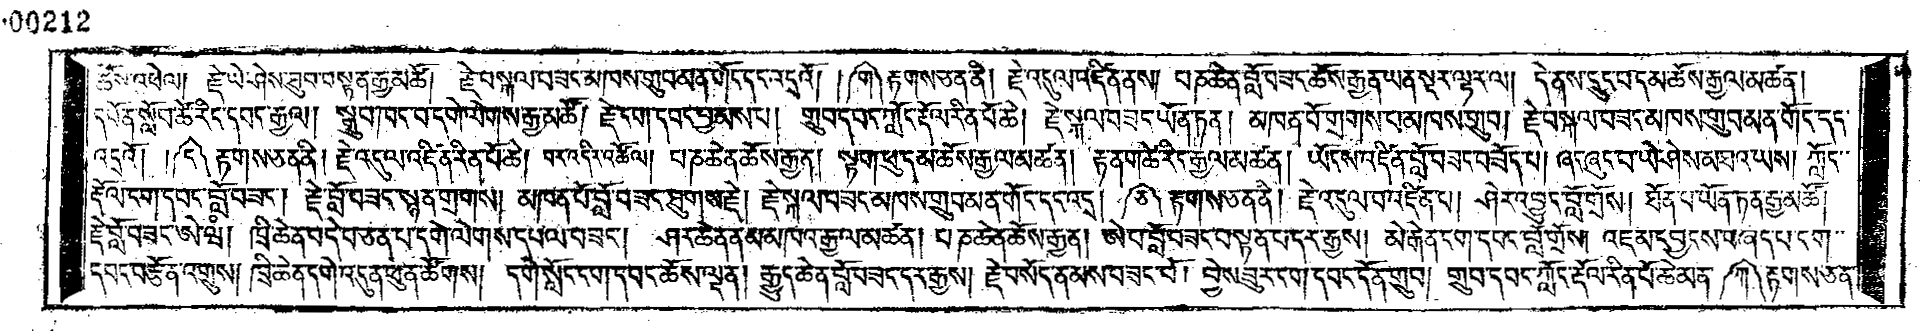ཆོས་འཕེལ། རྗེ་ཡེ་ཤེས་ཐུབ་བསྟན་རྒྱ་མཚོ། རྗེ་བསྐལ་བཟང་མཁས་གྲུབ་མན་གོང་དང་འདྲའོ། །༼ག༽ རྟགས་ཅན་ནི། རྗེ་འདུལ་འཛིན་ནས། པཎ་ཆེན་བློ་བཟང་ཆོས་རྒྱན་ཡན་སྔར་ལྟར་ལ། དེ་ནས་དྲུང་བ་དམ་ཆོས་རྒྱལ་མཚན།
དཔོན་སློབ་ཚེ་རིང་དབང་རྒྱལ། སྒྲུབ་ཁང་བ་དགེ་ལེགས་རྒྱ་མཚོ། རྗེ་ངག་དབང་བྱམས་པ། གྲུབ་དབང་ཀློང་རྡོལ་རིན་པོ་ཆེ། རྗེ་སྐལ་བཟང་ཡོན་ཏན། མཁན་པོ་གྲགས་པ་མཁས་གྲུབ། རྗེ་བསྐལ་བཟང་མཁས་གྲུབ་མན་གོང་དད་
འདྲའོ། །༼ང༽ རྟགས་ཅན་ནི། རྗེ་འདུལ་འཛིན་རིན་པོ་ཆེ། བར་འདིར་འཚོལ།  པཎ་ཆེན་ཆོས་རྒྱན། སྟག་ཕུ་དམ་ཆོས་རྒྱལ་མཚན། རྟ་ནག་ཚེ་རིང་རྒྱལ་མཚན། ཡོངས་འཛིན་བློ་བཟང་བཟོད་པ། ཞང་ཞུང་བ་ཡེ་ཤེས་མཐའ་ཡས། ཀློང་
རྡོལ་ངག་དབང་བློ་བཟང་། རྗེ་བློ་བཟང་སྙན་གྲགས། མཁན་པོ་བློ་བཟང་ཐུགས་རྗེ། རྗེ་སྐལ་བཟང་མཁས་གྲུབ་མན་གོང་དང་འདྭ། ༼ཅ༽ རྟགས་ཅན་ནི། རྗེ་འདུལ་བ་འཛིན་པ། ཤེར་འབྱུང་བློ་གྲོས། ཐོན་པ་ཡོན་ཏན་རྒྱ་མཚོ།
རྗེ་བློ་བཟང་ཨེ་ཝཾ། ཁྲི་ཆེན་བདེ་བ་ཅན་པ་དགེ་ལེགས་དཔལ་བཟང་། ཤར་ཆེན་ནམ་མཁའ་རྒྱལ་མཚན། པཎ་ཆེན་ཆོས་རྒྱན། ཨེ་པ་བློ་བཟང་བསྟན་པ་དར་རྒྱས། མེ་རྒེན་ངག་དབང་བློ་གྲོས། འཇམ་དབྱངས་བཞད་པ་ངག་
དབང་བརྩོན་འགྲུས། ཁྲི་ཆེན་དགེ་འདུན་ཕུན་ཚོགས། དགེ་སློང་ངག་དབང་ཆོས་ལྡན། རྒྱུད་ཆེན་བློ་བཟང་དར་རྒྱས། རྗེ་བསོད་ནམས་བཟང་པོ། བྱེས་ཟུར་ངག་དབང་དོན་གྲུབ། གྲུབ་དབང་ཀློང་རྡོལ་རིན་པོ་ཆེ་མན ༼ཀ༽ རྟགས་ཅད་